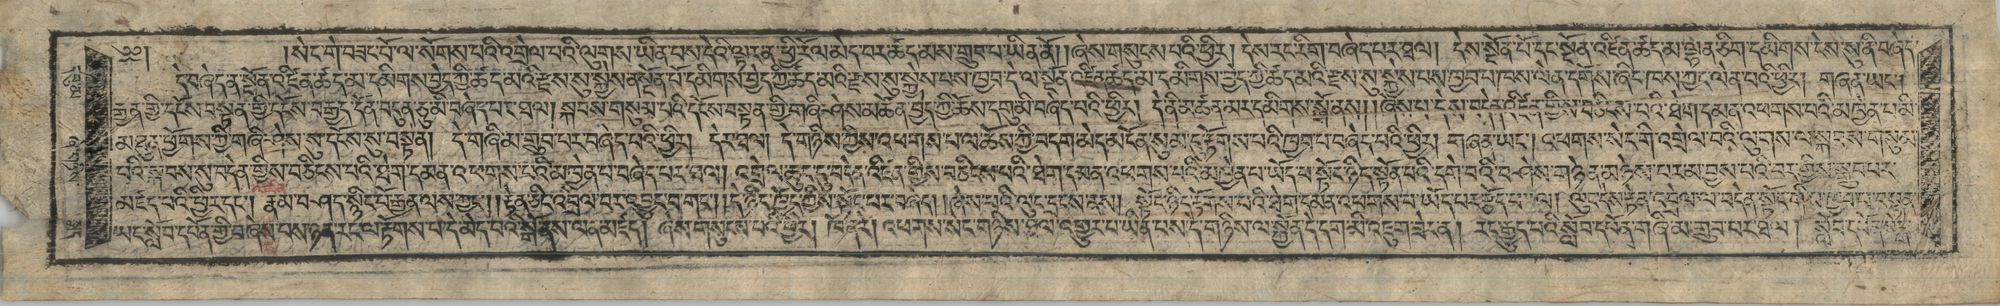༄༅། །སེང་གེ་བཟང་པོ་ལ་སོགས་པའི་འགྲེལ་བའི་ལུགས་ཡིན་པས་དེའི་ལྟར་ན་ཕྱི་རོལ་མེད་པར་ཚད་མས་གྲུབ་པ་ཡིན་ནོ། །ཞེས་གསུངས་པའི་ཕྱིར། དེས་རང་རིག་བཞེད་པར་ཐལ། དེས་སྔོན་པོ་དང་སྔོན་འཛིན་ཚད་མ་ལྷན་ཅིག་དམིགས་ངེས་སུ་ནི་བཞེད་
དེ་བཞེད་ན་སྔོན་འཛིན་ཚད་མ་དམིགས་བྱེད་ཀྱི་ཚད་མའི་རྫས་སུ་སྐྱེས་ན་སྔོན་པོ་དམིགས་བྱེད་ཀྱི་ཚད་མའི་རྫས་སུ་སྐྱེས་པས་ཁྱབ་དེ་ལ་སྔོན་འཛིན་ཚད་མ་དམིགས་བྱེད་ཀྱི་ཚད་མའི་རྫས་སུ་སྐྱེས་པས་ཁྱབ་པ་ཁས་ལེན་དགོས་ཞིང་ཁས་ཀྱང་ལེན་པའི་ཕྱིར། གཞན་ཡང་།
རྒྱན་གྱི་དངོས་བསྟན་གྱི་དངོས་བརྒྱད་དོན་བདུན་ཅུ་མི་བཞེད་པར་ཐལ། སྐབས་གསུམ་པའི་དངོས་བསྟན་གྱི་གཞི་ཤེས་མཚོན་བྱེད་ཀྱི་ཆོས་དགུ་མི་བཞེད་པའི་ཕྱིར། དེ་ནི་མཚན་མར་དམིགས་སྒོ་ནས། །ཞེས་པ་དེས་བདེན་འཛིན་གྱིས་བཅིངས་པའི་ཐེག་དམན་འཕགས་པའི་མཁྱེན་པ་མི་
མཐུན་ཕྱོགས་ཀྱི་གཞི་ཤེས་སུ་དངོས་སུ་བསྟན། དེ་གཞི་མ་གྲུབ་པར་བཞེད་པའི་ཕྱིར། དེར་ཐལ། དེ་གཉིས་ཀྱིས་འཕགས་པ་ལ་ཆོས་ཀྱི་བདག་མེད་མངོན་སུམ་དུ་རྟོགས་པའི་ཁྱབ་པ་བཞེད་པའི་ཕྱིར། གཞན་ཡང་། འཕགས་སེང་གི་འགྲེལ་བའི་ལུགས་ལ་སྐབས་གསུམ་
པའི་སྐབས་སུ་བདེན་གྱིས་བཅིངས་པའི་ཐེག་དམན་འཕགས་པའི་མཁྱེན་པ་བཞེད་པར་ཐལ། འགྲེལ་ཆུང་ངུ་བདེན་འཛིན་གྱིས་བཅིངས་པའི་ཐེག་དམན་འཕགས་པའི་མཁྱེན་པ་ཡོད་པ་སྟོང་ཉིད་སྟོན་པའི་དགེ་བའི་བཤེས་གཉེན་མཉེས་པར་མ་བྱས་པའི་བར་གྱིས་སྒྲུབ་པར་
མཛད་པའི་ཕྱིར་དང་། རྣམ་བཤད་སྙིང་པོ་རྒྱན་ལས་ཀྱང་། །རྟེན་ཅིང་འབྲེལ་བར་འབྱུང་བ་གང་། །དེ་ཉིད་ཁྱོད་ཀྱིས་སྟོང་པར་བཞེད། །ཞེས་པའི་ལུང་དྲངས་ནས། སྟོང་ཉིད་རྟོགས་པའི་ཐེག་དམན་འཕགས་པ་ཡོད་པར་རྩོད་པ་ལ། ལུང་དེས་རྟེན་འབྲེལ་ལ་བདེན་སྟོང་གིས་ཁྱབ་པ་བསྟན་
ཡང་སློབ་དཔོན་ཀྱི་བཞེད་པས་ཉན་རང་ལ་རྟགས་པ་དེ་མེད་པའི་སྒོ་ནས་ལན་མཛད། ཞེས་གསུངས་པའི་ཕྱིར། ཁོ་ན་རེ། འཕགས་སེང་གཉིས་ཐལ་འགྱུར་པ་ཡིན་པས་དེ་གཉིས་ལ་སྐྱོན་དེ་དག་མི་འཇུག་ཟེར་ན། རང་རྒྱུད་པའི་སློབ་དཔོན་གཞི་མ་གྲུབ་པར་ཐལ། སློབ་དཔོན་སེང་གེ་